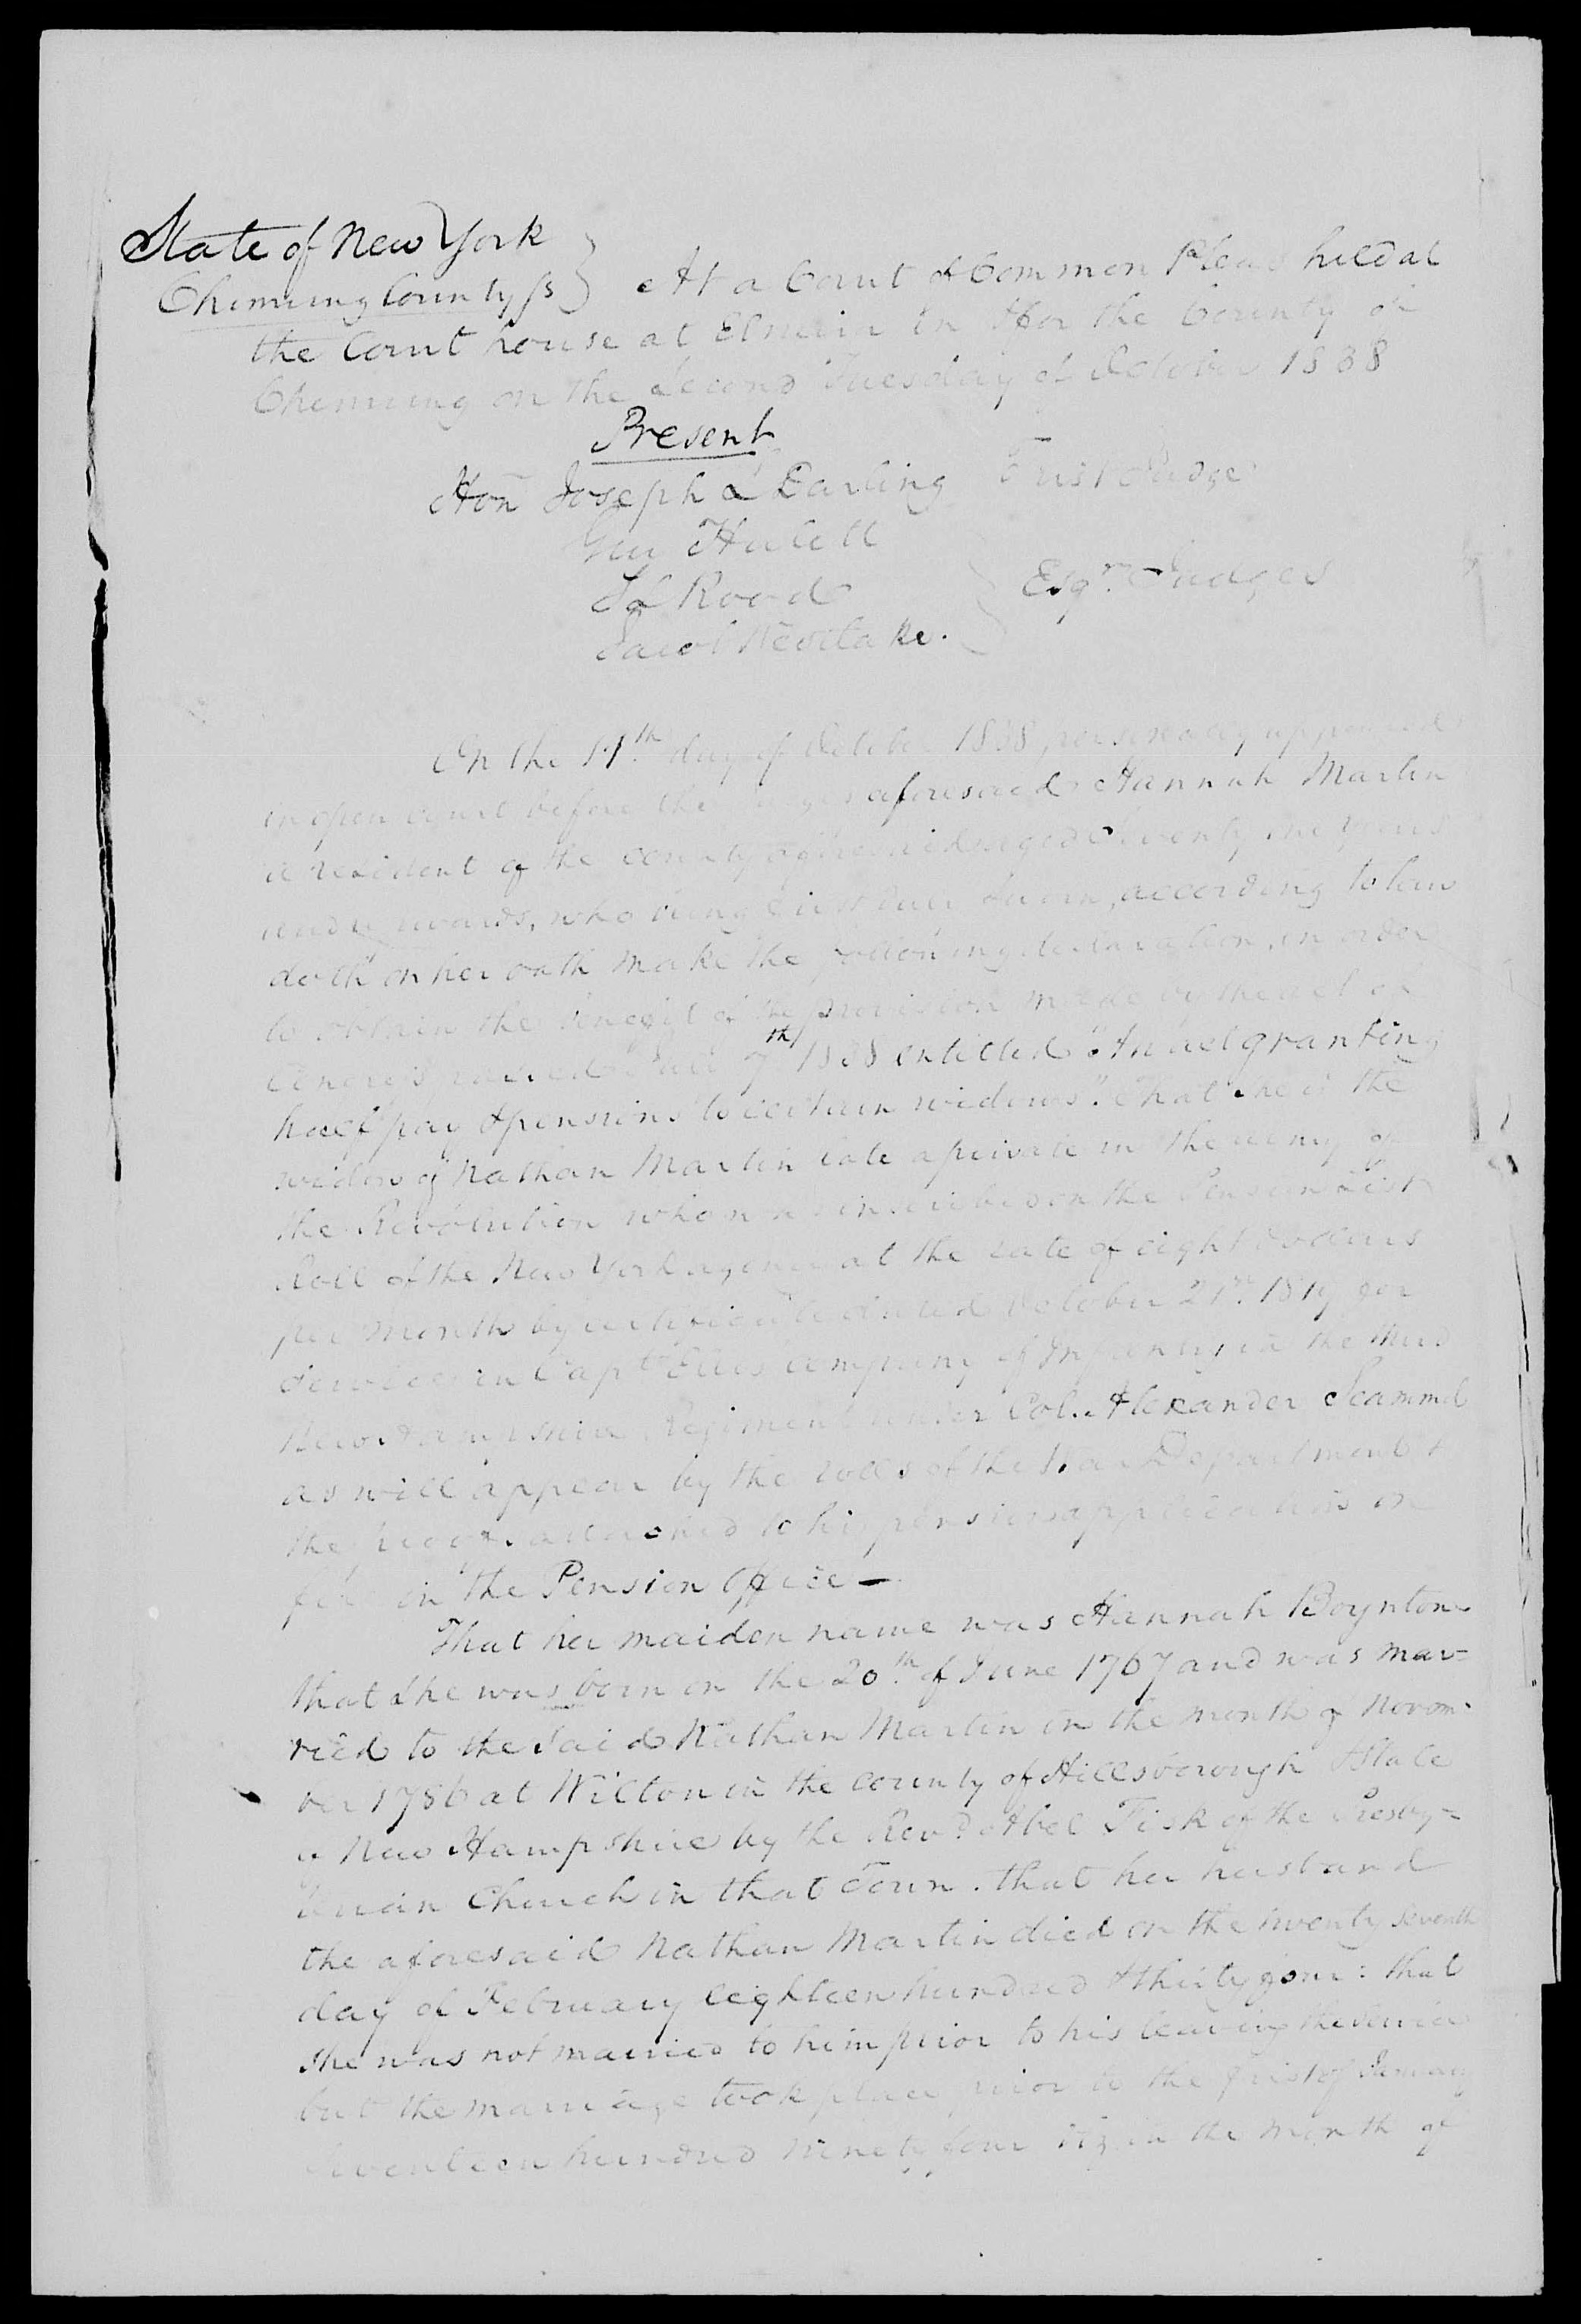State of New York
Chemung County  At a court of Common Pleas held at the court house at Elmira in & for the County of Chemung on the second Tuesday of October 1838
Prevent
Hon Joseph A Darling First Judge
Guy Hulell
L L Rood Esqr [illegible]
Sarol Westake

On the 14th day of October 1818, personally appeared in open court before the Judges aforesaid Hannah Martin a resident of the county aforesaid aged seventy one years and upwards, who being duly sworn, according to law doth on her oath make the following declaration in order to obtain the benefit of the provision made by the Act of Congress passed July 7th 1838 entitled "an act granting half pay & pensions to certain widows." That she is the widow of Nathan Martin late a private in the army of the Revolution who was inscribed on the pension roll of the New York [illegible] at the rate of eight dollars per month by [illegible] October 21st. 1819 per Service in Capt Elies company of inantry in the [illegible] regiment  under Col. & Alexander Schammel as will appear by the [illegible] of the War Department the [illegible]  in the Pension Office -
That her maiden name was Hannah Boynton that she was born on the 20th of June 1767 and was married to the said Nathan Martin in the month of November 1756 at Wilton in the County of Hillsborough State of New Hampshire by the Revd Abel Fish of the Presbyterian Church in that Town. that her husband the aforesaid Nathan Martin died on the twenty seventh day of February eighteen hundred & thirty one that she was not married to him prior to his leaving the service but the marriage took place prior to the first of seventeen hundred ninety four Viz in the month of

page: 11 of 30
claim: widow's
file: W. 23,904, for Nathan Martin, New Hampshire